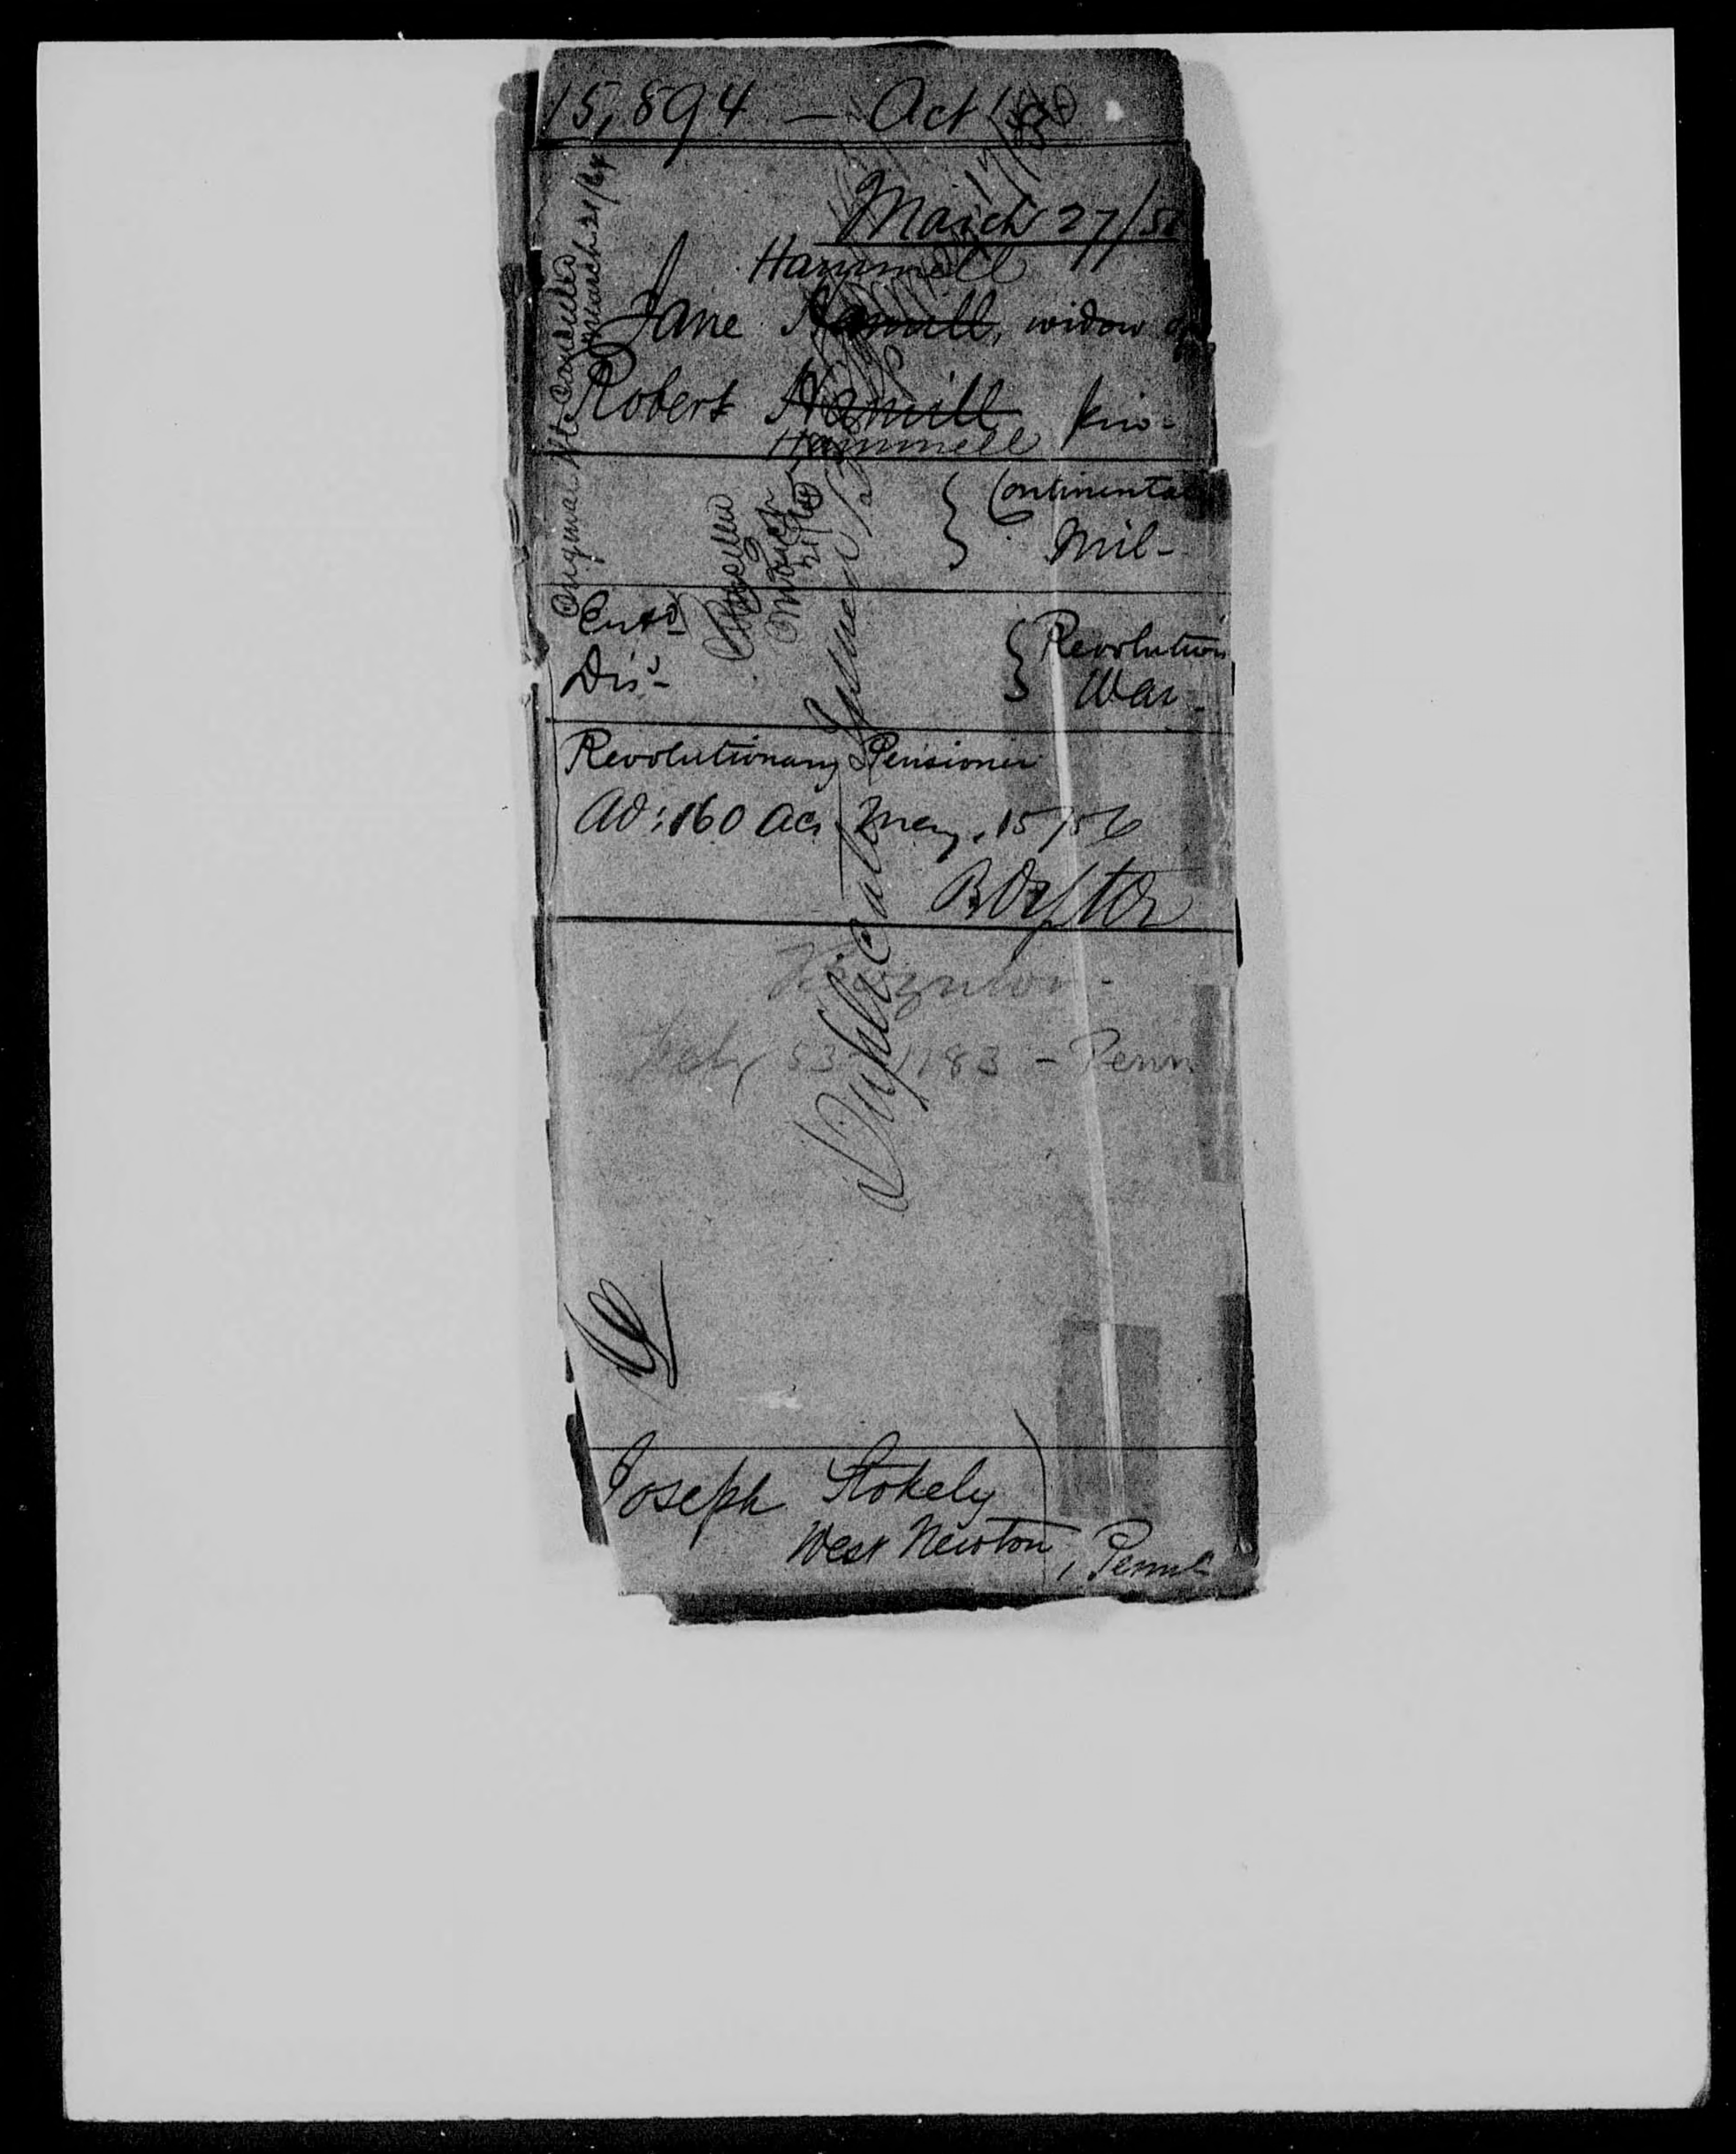15,894 Oct [?]
SERVICE NUMBER
March 27/5[6?]
Jane Hammell widow
Robert Hammell [son?]
Continental Mil
Revolutionary War
Revolutionary Pensioner
AD: 160 Ac May 15/56
Joseph Stokely
West Newton, Penna

Duplicate Issue [written sideways]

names: Joseph Stokely, Boynton, Robert Hammell, Boynton, Jane Hammell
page: 4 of 92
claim: widow's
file: W 1173, Robert Hamill, Penn.